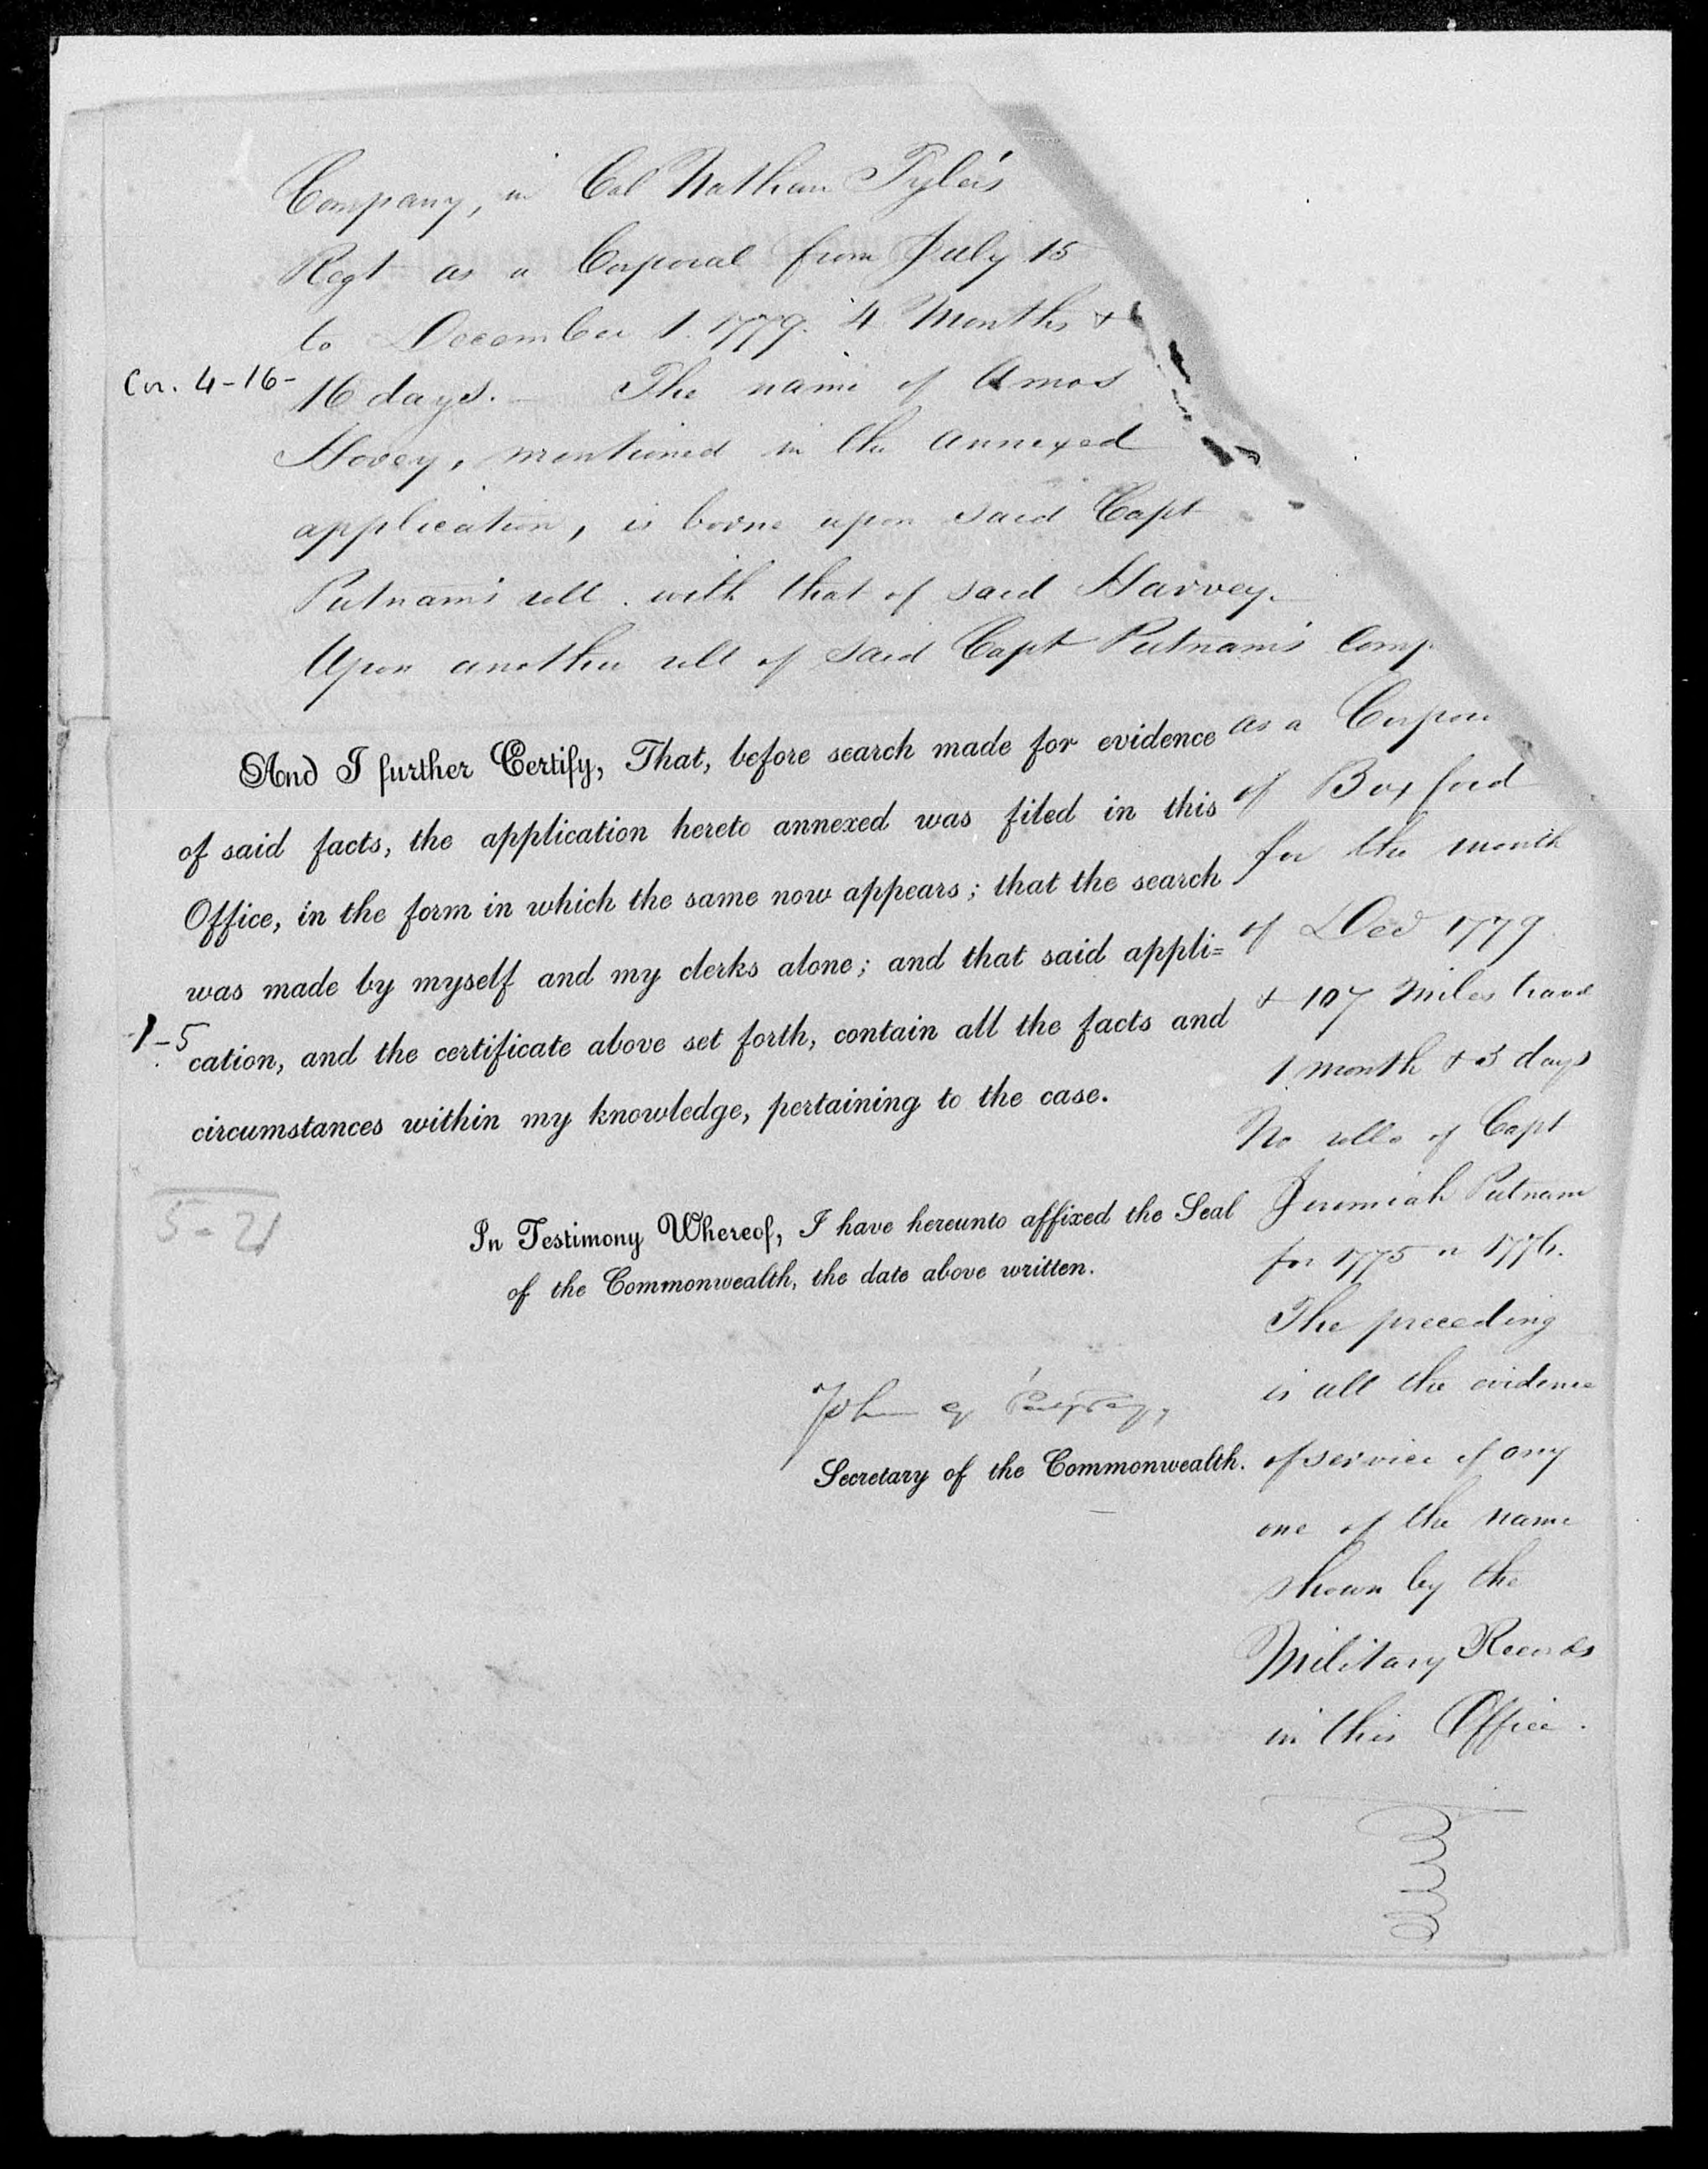Company, in Col Nathan Tyler's Regt as a Corporal from July 15 to December 1. 1779. 4 months & 4 -16 -16 days. The name of Amos Hovey, mentioned in the annexed application, is borne upon said Capt Putnam's sell with that of said Harvey Upon another all of said Capt Putnam's Company as Corporal of Boxford for the month of Dec 1779 & 107 miles & 1 month & ? days. No rolls of Capt Jeremiah Putnam for 1775 & 1776. The preceding John Berry is all the evidence of service of any one of the names shown by the Military Records in this Office.

And I further Certify, That, before search made for evidence of said facts, the application hereto annexed was filed in this of Office, in the form in which the same now appears; that the search was made by myself and my clerks alone; and that said application, and the certificate above set forth, contain all the facts and circumstances within my knowledge, pertaining to the case. 
In Testimony Whereof, I have hereunto affixed the Seal of the Commonwealth, the date above written 
John E Palfrey
Secretary of the Commonwealth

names: Harvey, John G Palfrey, Amos Hovey, Putnam, Jeremiah Putnam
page: 44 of 67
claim: widow's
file: W. 23183, Jesse Hardy, Mass.